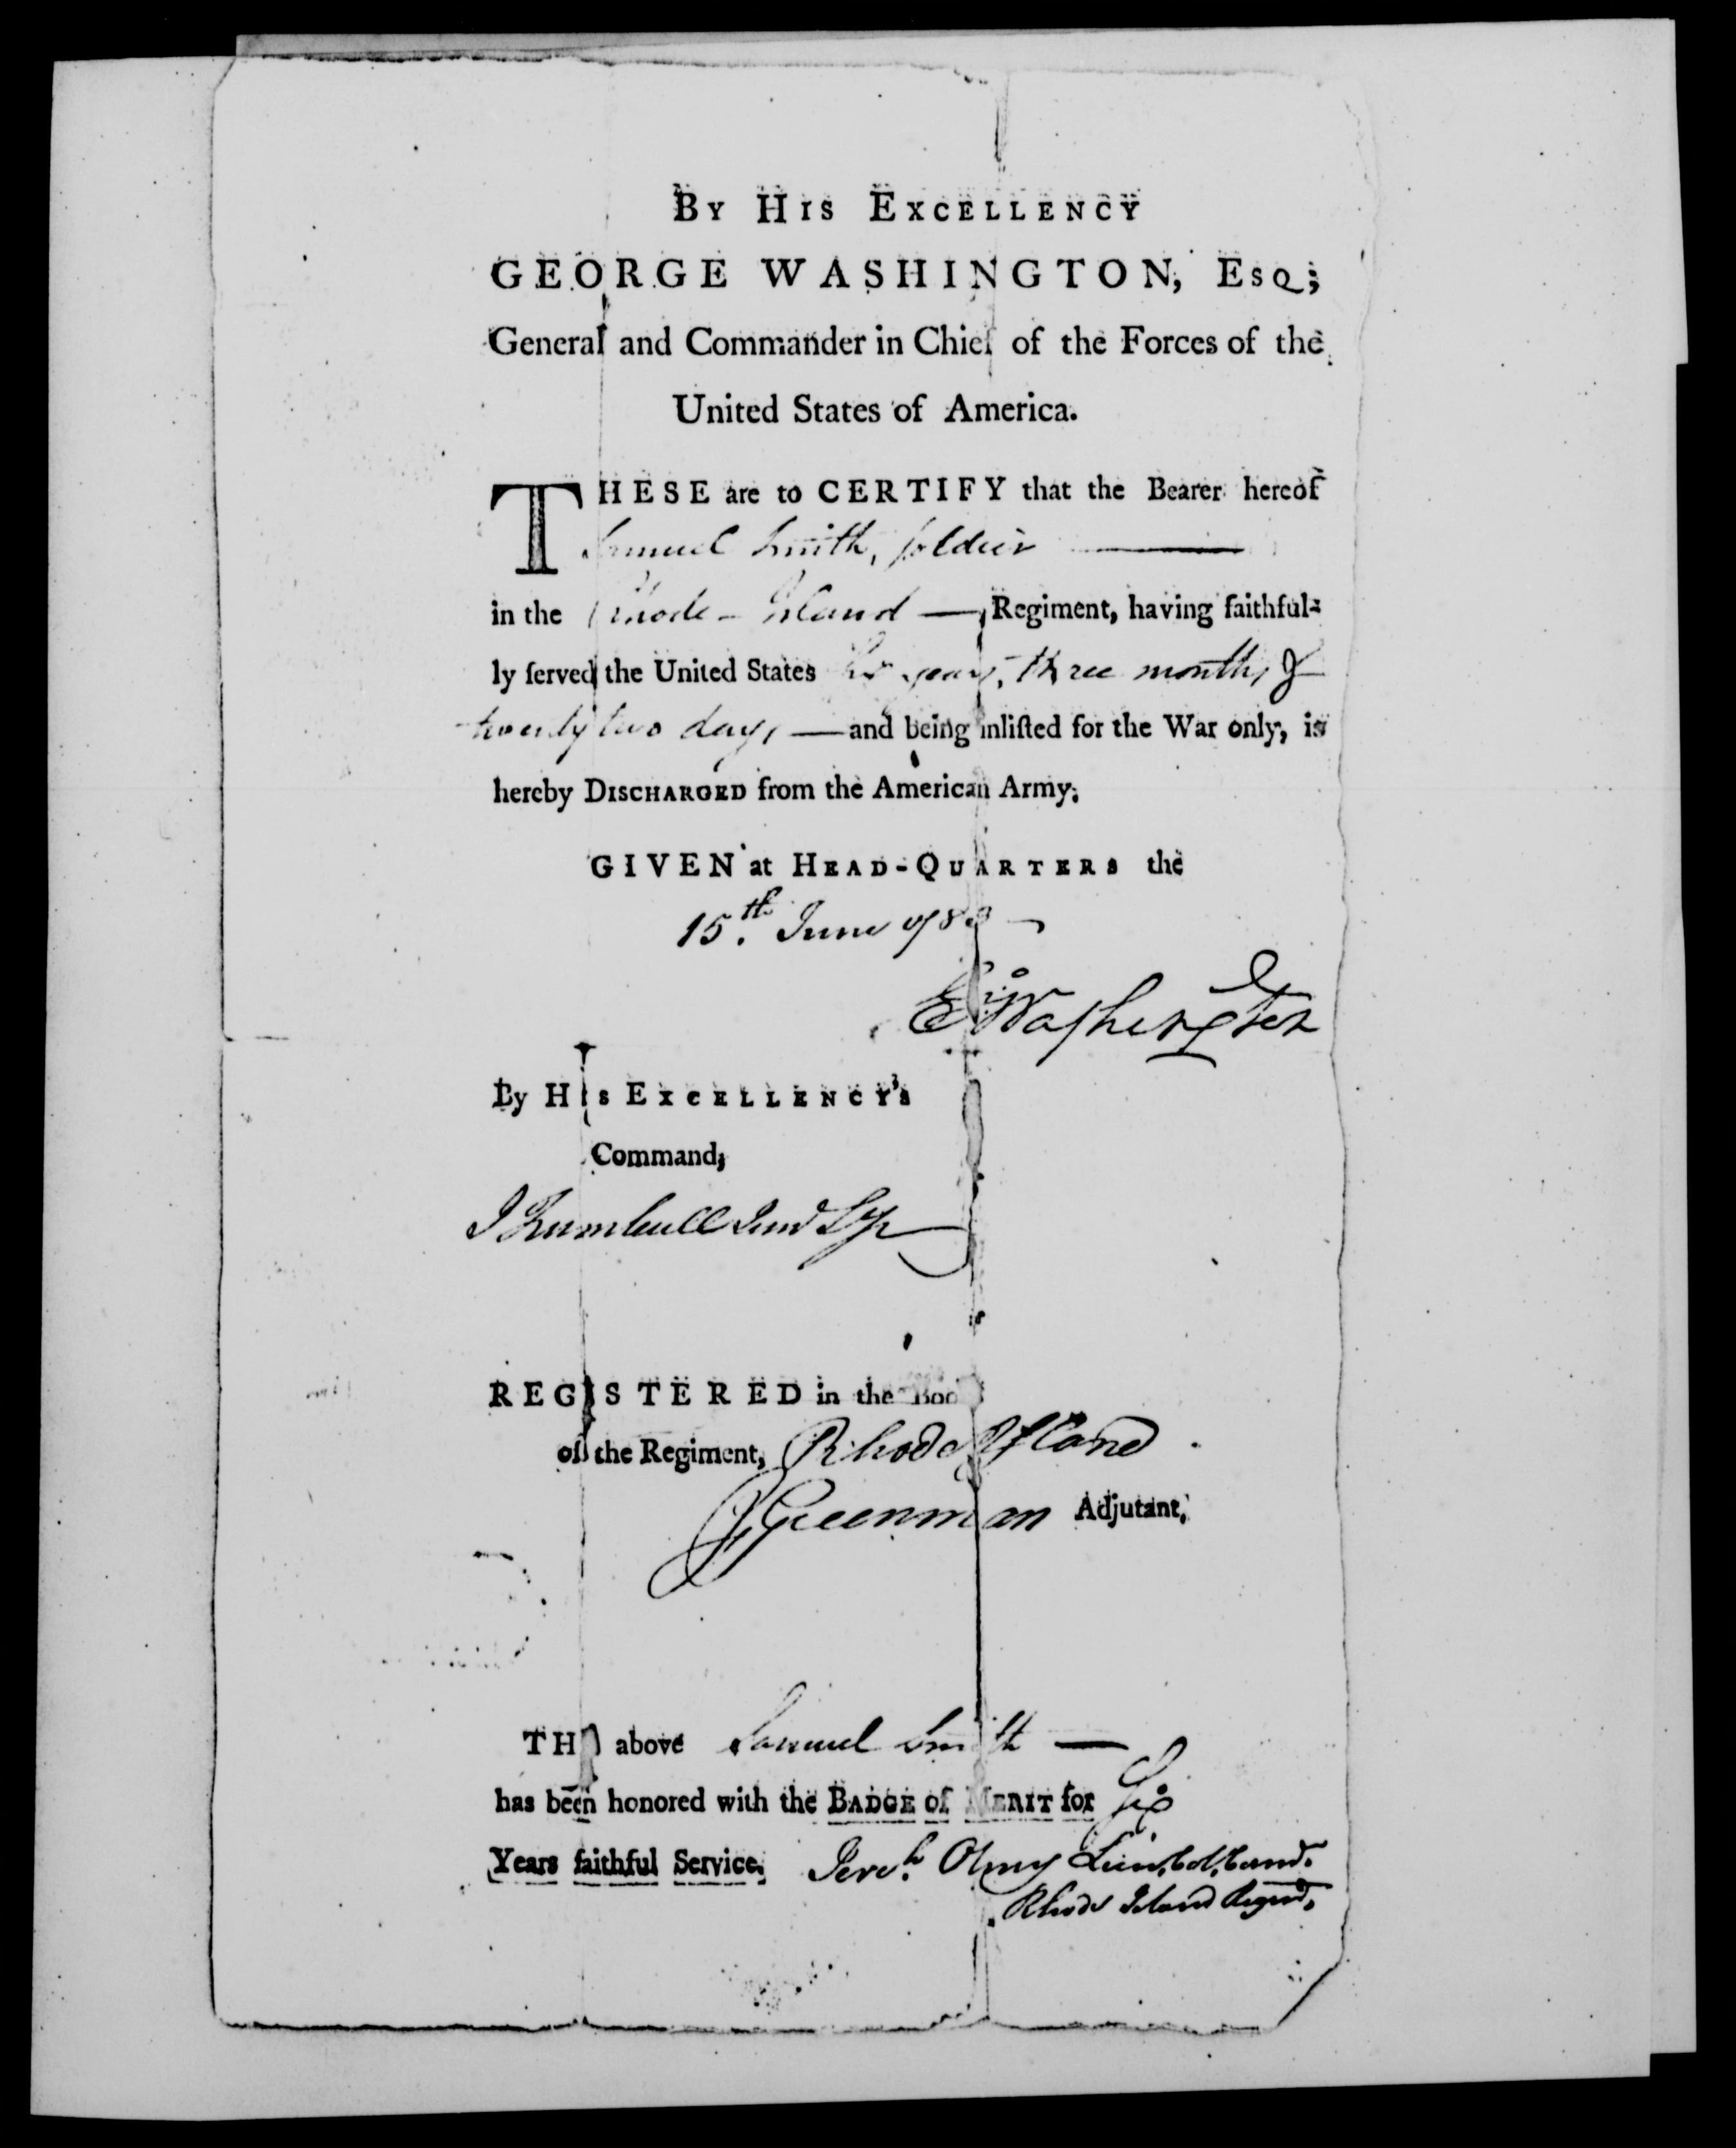United States of America
THESE are to CERTIFY that the Bearer hereof Samuel Smith, soldier in the Rhode Island Regiment, having faithfully served the United States, six years, three months, and twenty two days, and being inlisted for the War only, is hereby DISCHARGED from the American Army.
GIVEN at HEAD-QUARTERS  the 15th June of 83
G Washington

By His Excellency's
Command,
J Trumbull [illegible]

REGISTERED in the Book 
of the Regiment, Rhode Island
F Greenman

The above Samuel Smith 
has been honored with the Badge of Merit for six years faithful Service. 
Jewh Olney Lieut Col. Comm
Rhode Island Regmt.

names: Geo Washington; Samuel Smith; Samuel Smith; Jereh Olney; George Washington; F Greenman; J Trumbull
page: 13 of 14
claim: survivor's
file: S. 34,487, for Samuel Smith, Rhode Island